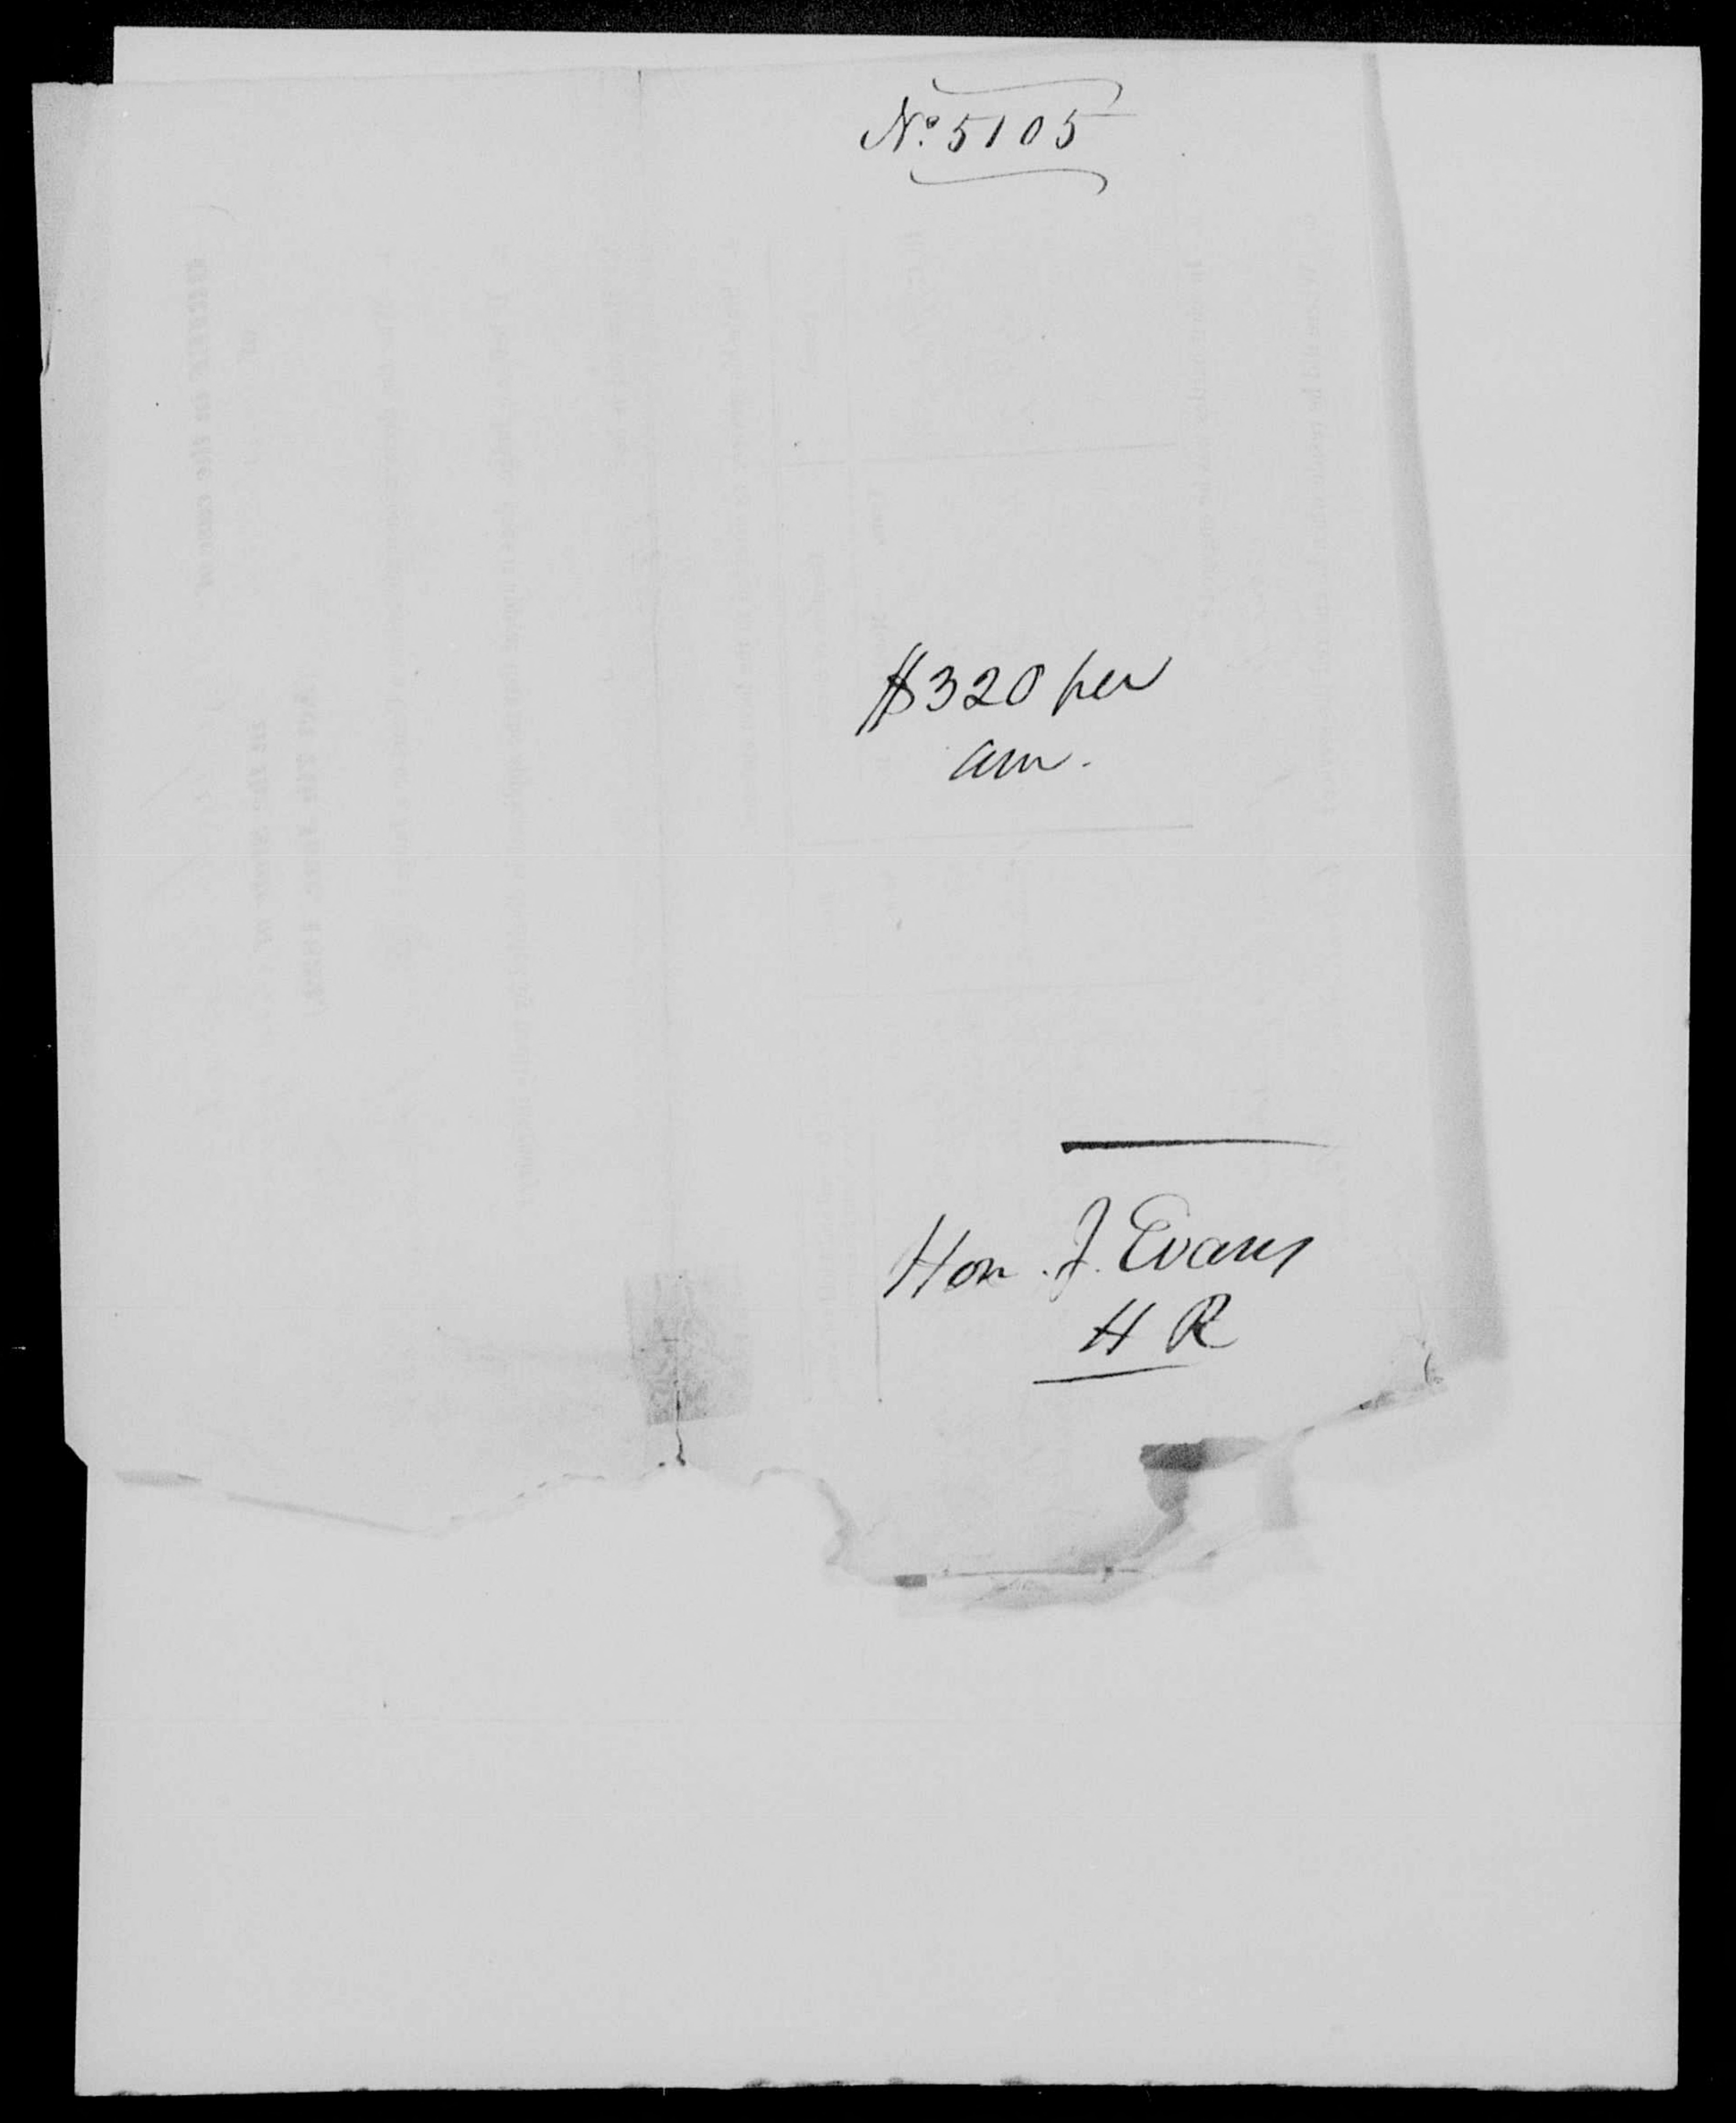No 5105
$320 per
Am
Hon J. Evans
H R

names: J Evans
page: 11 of 57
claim: survivor's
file: S. 2161, Hezekiah Davies, Penn